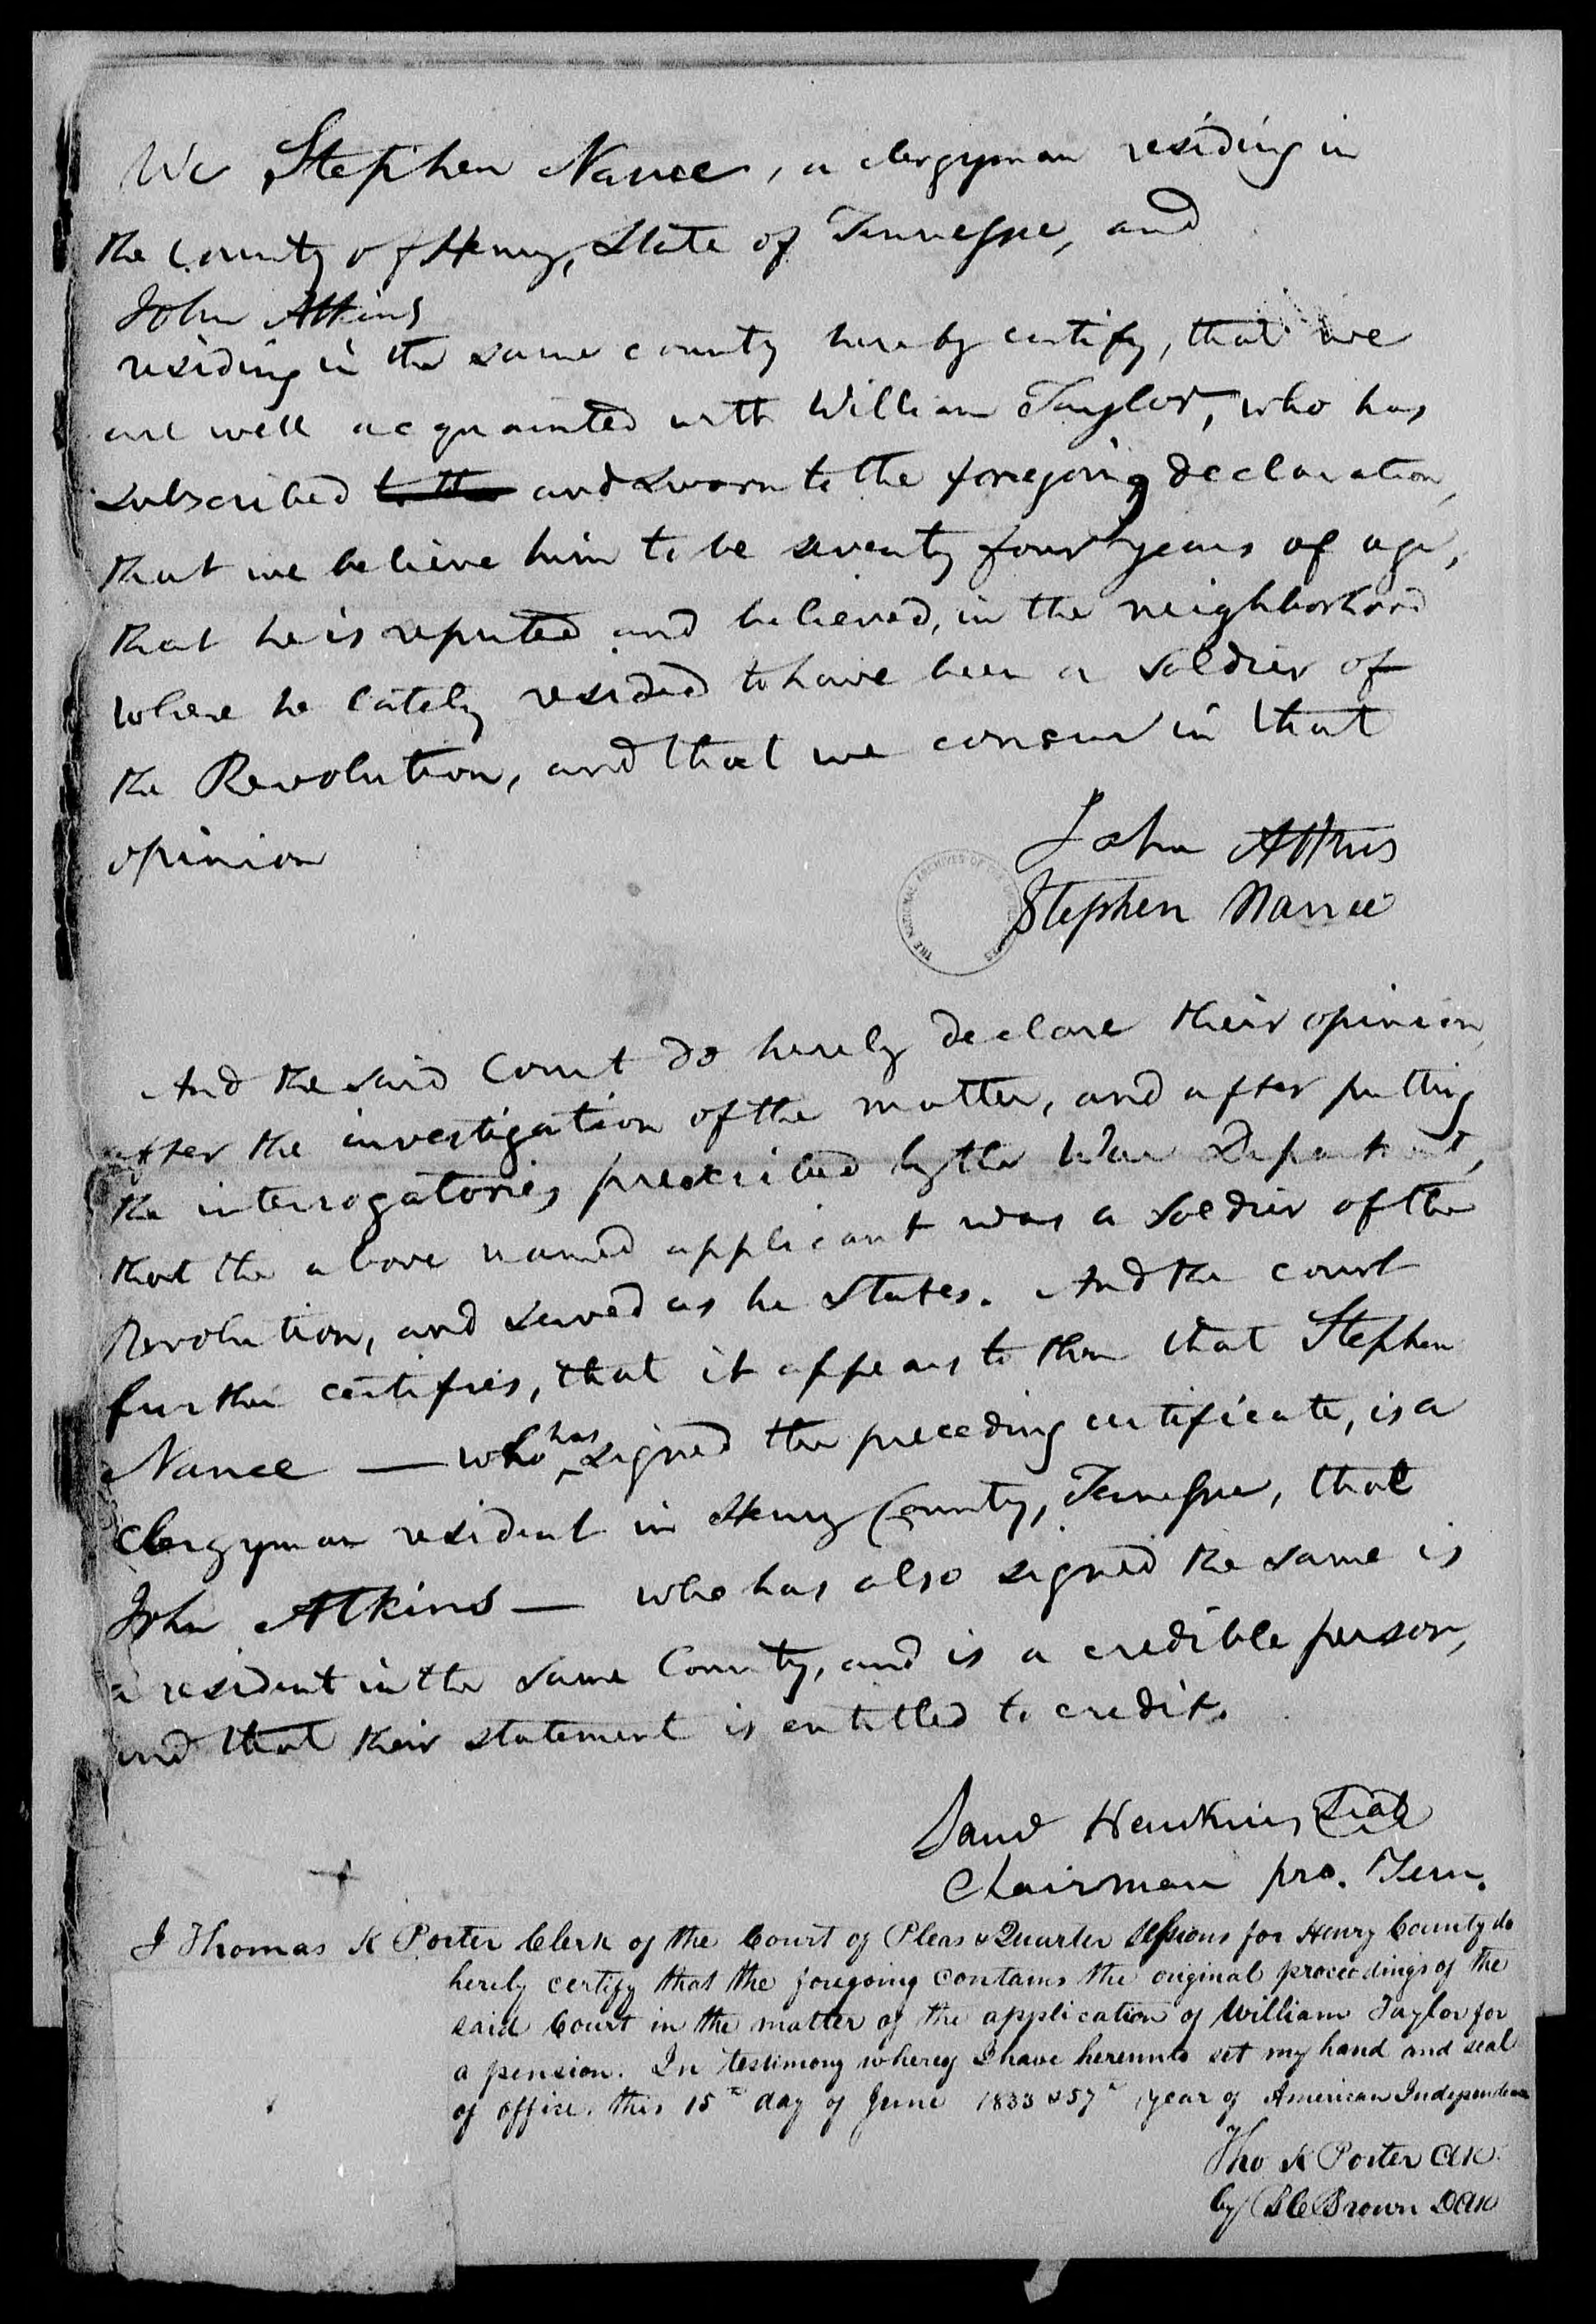We, Stephen Nance, a clergyman residing in the County of Henry, State of Tennessee, and John Atkins residing in the same county hereby certify, that we are well acquainted with William Taylor, who has subscribed and sworn to the foregoing declaration that we believe him to be seventy four years of age, that he is reputed and believed, in the neighborhood where he lately resided to have been a soldier of the Revolution, and that we concur in that opinion
John Atkins
Stephen Nance

[stamp] THE NATIONAL ARCHIVES OF THE UNITED STATES

And the said Court do hereby declare their opinion after the investigation of the matter, and after putting the interrogatories prescribed by the War Department that the above named applicant was a soldier of the Revolution, and served as he states. And the Court further certifies, that it appears to them that Stephen Nance who signed the preceding certificate, is a Clergyman resident in Henry County, Tennessee, that John Atkins who has also signed the same is a resident in the same County, and is a credible person, that their statement is entitled to credit.
Saml Hawkins {seal}
Chairman pro. Tem.

I Thomas K Porter Clerk of the Court of Pleas & Quarter Sessions for Henry County do hereby certify that the foregoing contains the original proceedings of the said Court in the matter of the application of William Taylor for a pension. In testimony whereof I have hereunto set my hand and seal of office this 15th day of June 1833 57th year of American Independence
Tho. K Porter Clk
by B C Brown DClk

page: 19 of 33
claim: rejected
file: R 10439, for William Taylor, North Carolina